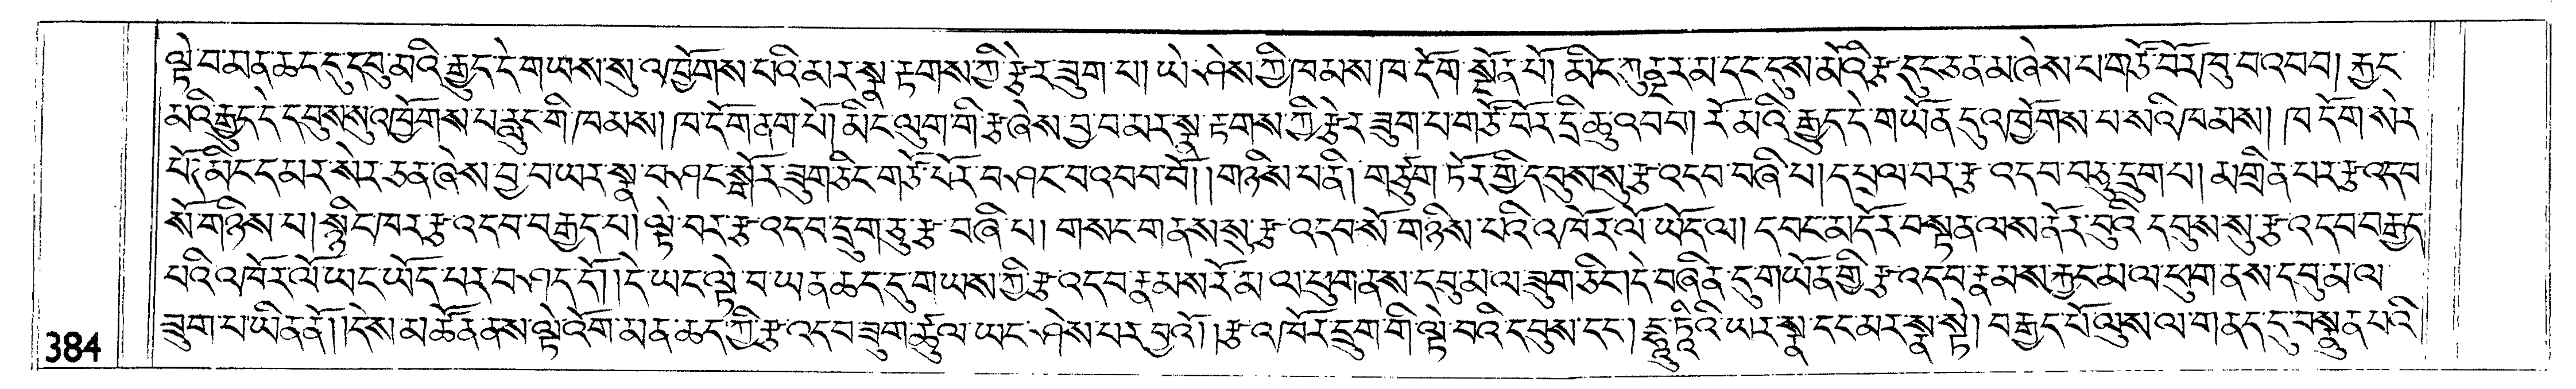ལྟེ་བ་མན་ཆད་དུ་དབུ་མའི་རྒྱུད་དེ་གཡས་སུ་འཁྱོགས་པའི་མར་སྣ་རྟགས་ཀྱི་རྩེར་ཟུག་པ། ཡེ་ཤེས་ཀྱི་ཁམས་ཁ་དོག་སྔོན་པོ། མིང་ཀུནྡར་མ་དང་དུས་མོའི་རྩ་དུང་ཅན་མ་ཞེས་པ་གཙོ་བོར་ཁུ་བ་འབབ། རྐྱང་
མའི་རྒྱུད་དེ་དབུས་སུ་འཁྱོགས་པ་རླུང་གི་ཁམས། ཁ་དོག་ནག་པོ། མིང་ལུག་གི་རྩ་ཞེས་བྱ་བ་མར་སྣ་རྟགས་ཀྱི་རྩེར་ཟུག་པ་གཙོ་བོར་དྲི་ཆུ་འབབ། རོ་མའི་རྒྱུད་དེ་གཡོན་དུ་འཁྱོགས་པ་སའི་ཁམས། ཁ་དོག་སེར་
པོ༑ མིང་དམར་སེར་ཅན་ཞེས་བྱ་བ་ཡར་སྣ་བཤང་སྒོར་ཟུག་ཅིང་གཙོ་བོར་བཤང་བ་འབབ་བོ། །གཉིས་པ་ནི། གཙུག་ཏོར་གྱི་དབུས་སུ་རྩ་འདབ་བཞི་པ། དཔྲལ་བར་རྩ་འདབ་བཅུ་དྲུག་པ། མགྲིན་པར་རྩ་འདབ་
སོ་གཉིས་པ། སྙིང་ཁར་རྩ་འདབ་བརྒྱད་པ། ལྟེ་བར་རྩ་འདབ་དྲུག་ཅུ་རྩ་བཞི་པ། གསང་གནས་སུ་རྩ་འདབ་སོ་གཉིས་པའི་འཁོར་ལོ་ཡོད་ལ། དབང་མདོར་བསྟན་ལས་ནོར་བུའི་དབུས་སུ་རྩ་འདབ་བརྒྱད་
པའི་འཁོར་ལོ་ཡང་ཡོད་པར་བཤད་དོ། །དེ་ཡང་ལྟེ་བ་ཡན་ཆད་དུ་གཡས་ཀྱི་རྩ་འདབ་རྣམས་རོ་མ་ལ་ཕུག་ནས་དབུ་མ་ལ་ཟུག་ཅིང་། དེ་བཞིན་དུ་གཡོན་གྱི་རྩ་འདབ་རྣམས་རྐྱང་མ་ལ་ཕུག་ནས་དབུ་མ་ལ་
ཟུག་པ་ཡིན་ནོ། །དེས་མཚོན་ནས་ལྟེ་འོག་མན་ཆད་ཀྱི་རྩ་འདབ་ཟུག་ཚུལ་ཡང་ཤེས་པར་བྱའོ། །རྩ་འཁོར་དྲུག་གི་ལྟེ་བའི་དབུས་དང་། དྷཱུ་ཏཱིའི་ཡར་སྣ་དང་མར་སྣ་སྟེ། བརྒྱད་པོ་ལུས་ལ་གནད་དུ་བསྣུན་པའི་